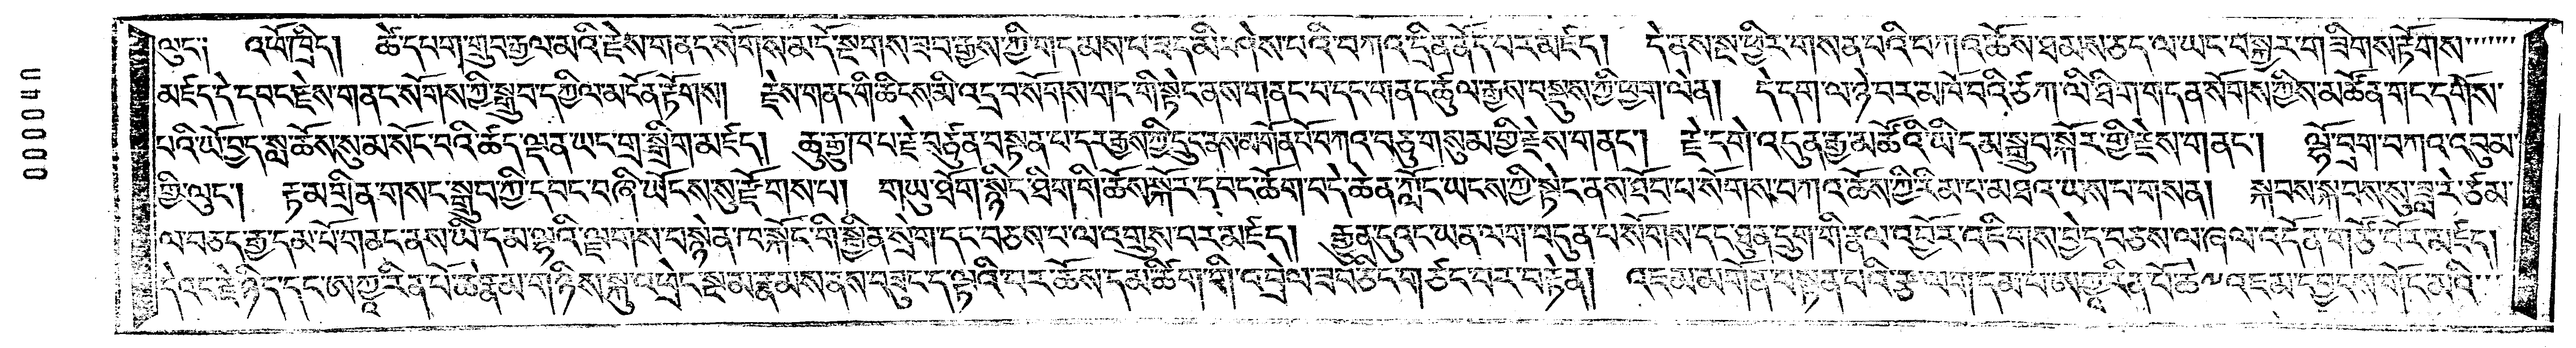ལུང༑ འཕོ་ཁྲིད། ཚེ་དཔག་གྲུབ་རྒྱལ་མའི་རྗེས་གནང་སོགས་མདོ་སྔགས་ཟབ་རྒྱས་ཀྱི་གདམས་པ་ཟད་མི་ཤེས་པའི་བཀའ་དྲིན་ནོད་པར་མཛད། དེ་ནས་སྔ་ཕྱིར་གསན་པའི་བཀའ་ཆོས་ཐམས་ཅད་ལ་ཡང་བསྐྱར་གཟིགས་རྟོགས་
མཛད་དེ་དབང་རྗེས་གནང་སོགས་ཀྱི་སྒྲུབ་དཀྱིལ་མངོན་རྟོགས། རྗེས་གནང་གི་ཆིངས་མི་འདྲ་བ་སོགས་གང་གི་སྟེང་ནས་གནང་བ་དང་གནང་ཚུལ་རྒྱས་བསྡུས་ཀྱི་ཕྱག་ལེན། དེ་དག་ལ་ཉེ་བར་མཁོ་བའི་ཙཀ་ལི་ཐིག་གདན་སོགས་ཀྱིས་མཚོན་གང་དགོས་
པའི་ཡོ་བྱད་སླ་ཆོས་སུ་མ་སོང་བའི་ཚད་ལྡན་ཡང་གྲ་སྒྲིག་མཛད། ཆུ་རྒྱུ་ཁ་པ་རྗེ་བཙུན་བསྟན་པ་དར་རྒྱས་ཀྱི་དྲུང་ནས་མགོན་པོ་བཀའ་བཅུ་གསུམ་གྱི་རྗེས་གནང་། རྗེ་དགེ་འདུན་རྒྱ་མཚོའི་ཡི་དམ་སྒྲུབ་སྐོར་གྱི་རྗེས་གནང་། ལྷོ་བྲག་བཀའ་འབུམ་
གྱི་ལུང་། རྟ་མགྲིན་གསང་སྒྲུབ་ཀྱི་དབང་བཞི་ཡོངས་སུ་རྫོགས་པ། གཡུ་ཐོག་སྙིང་ཐིག་གི་ཆོས་སྐོར་དབང་ཆོག་བདེ་ཆེན་ཀློང་ཡངས་ཀྱི་སྟེང་ནས་ཐོབ་པ་སོགས་བཀའ་ཆོས་ཀྱི་རིམ་པ་མཐའ་ཡས་པ་གསན། སྐབས་སྐབས་སུ་ཟླ་རེ་ཙམ་
ལ་བཅད་རྒྱ་དམ་པོ་གནང་ནས་ཡི་དམ་ལྷའི་ལྗགས་བསྙེན་ཁ་སྐོང་གི་སྦྱིན་སྲེག་དང་བཅས་པ་ལ་འགྲུས་པར་མཛད། རྒྱུན་དུའང་ཡན་ལག་བདུན་པ་སོགས་དང་ཐུན་དྲུག་གི་རྣལ་འབྱོར་འཇིགས་བྱེད་བཅས་ལ་ཞལ་འདོན་གཙོ་བོར་མཛད།
དེའང་རྗེ་ཉིད་དང་ཨཀྱཱ་རིན་པོ་ཆེ་རྣམས་གཉིས་སྐུ་འཕྲེང་སྔ་མ་རྣམས་ནས་བཟུང་ད་ལྟའི་བར་ཆོས་དམ་ཚིག་གི་འབྲེལ་ཟབ་ཅིང་གཙང་བར་བརྟེན། འཇམ་མགོན་བསྟན་པའི་རྩ་ལག་དམ་པ་ཨཀྱཱ་རིན་པོ་ཆེ ༧འཇམ་དབྱངས་གོང་མའི་